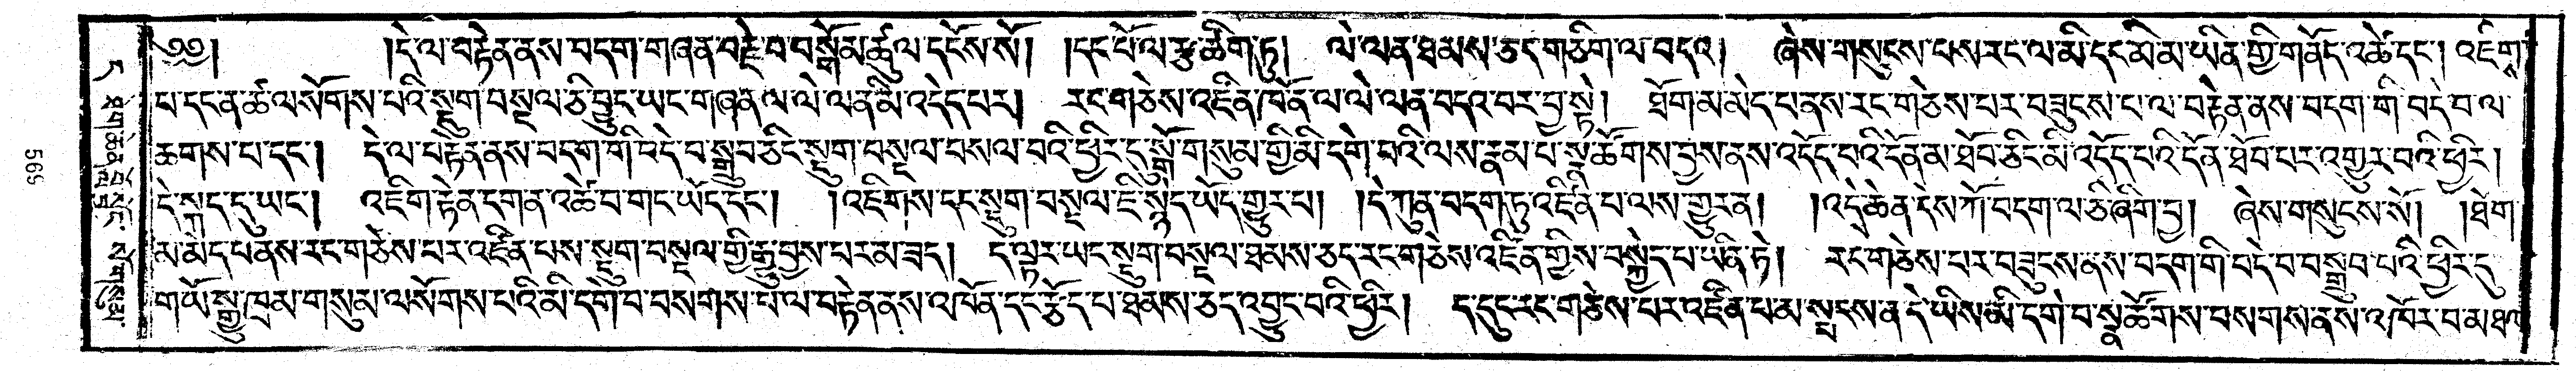༄༅། །དེ་ལ་བརྟེན་ནས་བདག་གཞན་བརྗེ་བ་བསྒོམ་ཚུལ་དངོས་སོ། །དང་པོ་ལ་རྩ་ཚིག་ཏུ། ལེ་ལན་ཐམས་ཅད་གཅིག་ལ་བདའ། ཞེས་གསུངས་པས་རང་ལ་མི་དང་མི་མ་ཡིན་གྱི་གནོད་འཚེ་དང་། འཇིགས་
པ་དང་ན་ཚ་ལ་སོགས་པའི་སྡུག་བསྔལ་ཅི་བྱུང་ཡང་གཞན་ལ་ལེ་ལན་མི་འདེད་པར། རང་གཅེས་འཛིན་ཁོ་ན་ལ་ལེ་ལན་བདའ་བར་བྱ་སྟེ། ཐོག་མ་མེད་པ་ནས་རང་གཅེས་པར་བཟུངས་པ་ལ་བརྟེན་ནས་བདག་གི་བདེ་བ་ལ་
ཆགས་པ་དང་། དེ་ལ་བརྟེན་ནས་བདག་གི་བདེ་བ་སྒྲུབ་ཅིང་སྡུག་བསྔལ་བསལ་བའི་ཕྱིར་དུ་སྒོ་གསུམ་གྱི་མི་དགེ་བའི་ལས་རྣམ་པ་སྣ་ཚོགས་བྱས་ནས་འདོད་པའི་དོན་མ་ཐོབ་ཅིང་མི་འདོད་པའི་དོན་ཐོབ་པར་འགྱུར་བའི་ཕྱིར།
དེ་སྐད་དུ་ཡང་། འཇིག་རྟེན་དག་ན་འཚེ་བ་གང་ཡོད་དང་། །འཇིག་དང་སྡུག་བསྔལ་ཇི་སྙེད་ཡོད་གྱུར་པ། །དེ་ཀུན་བདག་ཏུ་འཛིན་པ་ལས་གྱུར་ན། །འདྲེ་ཆེན་དེས་ཀོ་བདག་ལ་ཅི་ཞིག་བྱ། ཞེས་གསུངས་སོ། །ཐོག་
མ་མེད་པ་ནས་རང་གཅེས་པར་འཛིན་པས་སྡུག་བསྔལ་གྱི་རྒྱུ་བྱས་པར་མ་ཟད། ད་ལྟར་ཡང་སྡུག་བསྔལ་ཐམས་ཅད་རང་གཅེས་འཛིན་གྱིས་བསྐྱེད་པ་ཡིན་ཏེ། རང་གཅེས་པར་བཟུངས་ནས་བདག་གི་བདེ་བ་བསྒྲུབ་པའི་ཕྱིར་དུ་
གཡོ་སྒྱུ་ཁྲམ་གསུམ་ལ་སོགས་པའི་མི་དགེ་བ་བསགས་པ་ལ་བརྟེན་ནས་འཁོན་དང་རྩོད་པ་ཐམས་ཅད་འབྱུང་བའི་ཕྱིར། ད་དུང་རང་གཅེས་པར་འཛིན་པ་མ་སྤངས་ན་དེ་ཡིས་མི་དགེ་བ་སྣ་ཚོགས་བསགས་ནས་འཁོར་བ་མཐའ་